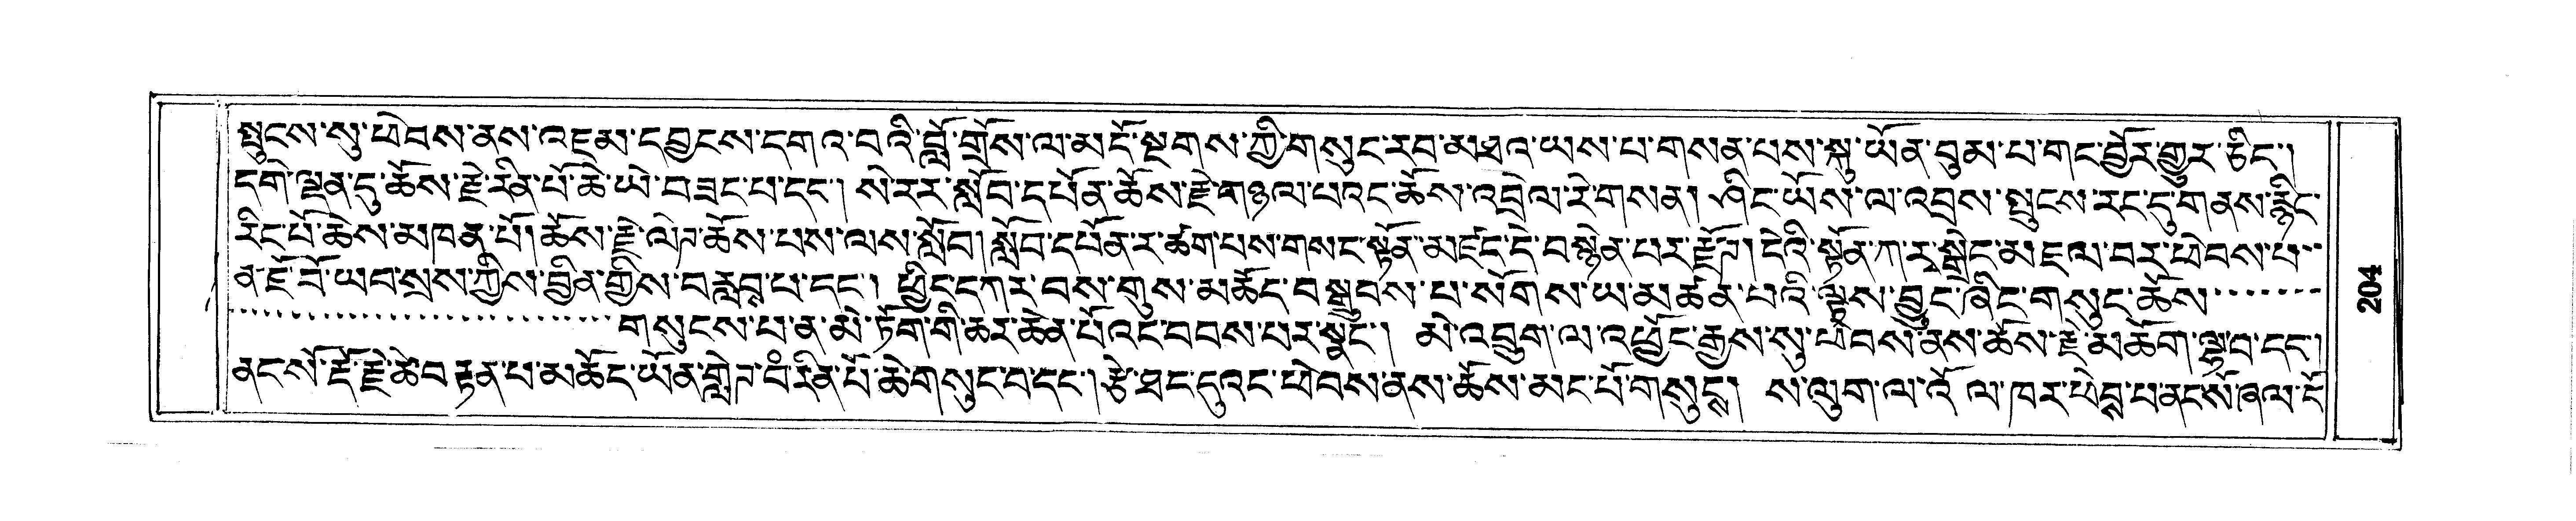སྤུངས་སུ་ཕེབས་ནས་འཇམ་དབྱངས་དགའ་བའི་བློ་གྲོས་ལ་མདོ་སྔགས་ཀྱི་གསུང་རབ་མཐའ་ཡས་པ་གསན་པས་སྐུ་ཡོན་བུམ་པ་གང་བྱོར་གྱུར་ཅིང་།
དགེ་ལྡན་དུ་ཆོས་རྗེ་རིན་པོ་ཆེ་ཡེ་བཟང་པ་དང་། སེ་རར་སློབ་དཔོན་ཆོས་རྗེ་གཉལ་པའང་ཆོས་འབྲེལ་རེ་གསན། ཤིང་ཡོས་ལ་འབྲས་སྤུངས་རང་དུ་གནས་རྙིང་
རིང་པོ་ཆེས་མཁན་པོ། ཆོས་རྗེ་ལེཊ་ཆོས་པས་ལས་སློབ། སློབ་དཔོན་ར་ཚག་པས་གསང་སྟོན་མཛད་དེ་བསྙེན་པར་རྫོཊ། དེའི་སྟོན་ཀ་རྭ་སྒྲེང་མཇལ་བར་ཕེབས་པ་
ན་ཇོ་བོ་ཡབ་སྲས་ཀྱིས་བྱིན་གྱིས་བརླབས་པ་དང་། ཕྱིང་དཀར་བས་གུས་མཆོད་བསྒྲུབས་པ་སོགས་ཡ་མཚན་པའི་ལྟས་བྱུང་ཞིང་གསུང་ཆོས་
གསུངས་པ་ན་མེ་ཏོག་གི་ཆར་ཆེན་པོའང་བབས་པར་སྣང་། མི་འབྲུག་ལ་འཕྱོང་རྒྱས་སུ་ཕེབས་ནས་ཆོས་རྗེ་མཆོག་ལྷ་བ་དང་།
ནང་སོ་རྡོ་རྗེ་ཚེ་བརྟན་པ་མཆོད་ཡོན་གླེཊ་བཾ་རིན་པོ་ཆེ་གསུང་བ་དང་། རྩེ་ཐང་དུའང་ཕེབས་ནས་ཆོས་མང་པོ་གསུངས། ས་ལུག་ལ་འོལ་ཁར་ཕེབས་པ་ནང་སོ་ཞལ་ངོ་